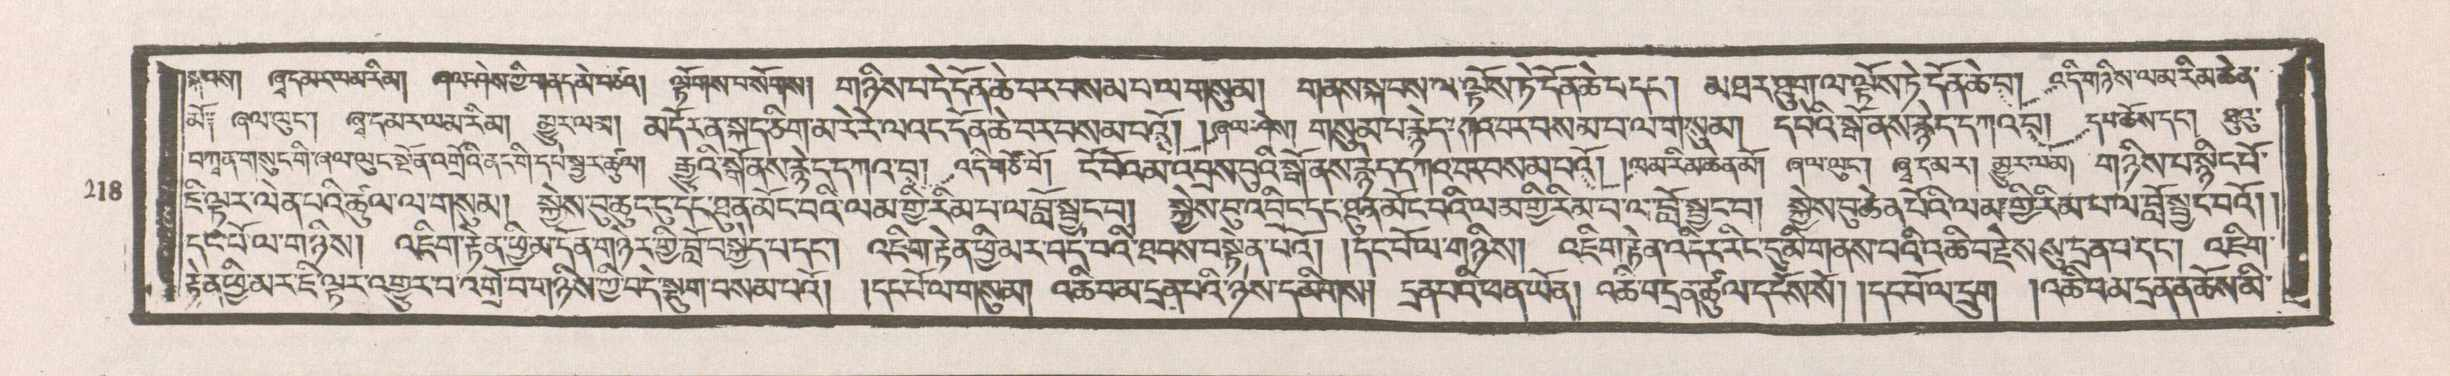སྐབས། ཞྭ་དམར་ལམ་རིམ། ཞལ་ཤེས་ཀྱི་གནད་མེ་བཙའ། ལྟོགས་པ་སོགས།  གཉིས་པ་དེ་དོན་ཆེ་བར་བསམ་པ་ལ་གསུམ། གནས་སྐབས་ལ་ལྟོས་ཏེ་དོན་ཆེ་བ་དང་། མཐར་ཐུག་ལ་ལྟོས་ཏེ་དོན་ཆེ་བ། འདི་གཉིས་ལམ་རིམ་ཆེན
མོ༑ ཞལ་ལུང་། ཞྭ་དམར་ལམ་རིམ། མྱུར་ལམ།  མདོར་ན་སྐད་ཅིག་མ་རེ་རེ་ལའང་དོན་ཆེ་བར་བསམ་པའོ། ། ཞལ་ཤེས།  གསུམ་པ་རྙེད་དཀའ་བར་བསམ་པ་ལ་གསུམ། དཔེའི་སྒོ་ནས་རྙེད་དཀའ་བ། དཔེ་ཆོས་དང་། ཐུའུ
བཀྭན་གསུང་གི་ཞལ་ལུང་སྔོན་འགྲོའི་ནང་གི་དཔེ་སྦྱར་ཚུལ།  རྒྱུའི་སྒོ་ནས་རྙེད་དཀའ་བ། འདི་གཙོ་བོ། ངོ་བོའམ་འབྲས་བུའི་སྒོ་ནས་རྙེད་དཀའ་བར་བསམ་པའོ། །ལམ་རིམ་ཆེན་མོ། ཞལ་ལུང་། ཞྭ་དམར། མྱུར་ལམ།  གཉིས་པ་སྙིང་པོ་
ཇི་ལྟར་ལེན་པའི་ཚུལ་ལ་གསུམ། སྐྱེས་བུ་ཆུང་ངུ་དང་ཐུན་མོང་བའི་ལམ་གྱི་རིམ་པ་ལ་བློ་སྦྱང་བ། སྐྱེས་བུ་འབྲིང་དང་ཐུན་མོང་བའི་ལམ་གྱི་རིམ་པ་ལ་བློ་སྦྱང་བ། སྐྱེས་བུ་ཆེན་པོའི་ལམ་གྱི་རིམ་པ་ལ་བློ་སྦྱང་བའོ། །
དང་པོ་ལ་གཉིས། འཇིག་རྟེན་ཕྱི་མ་དོན་གཉེར་གྱི་བློ་བསྐྱེད་པ་དང་། འཇིག་རྟེན་ཕྱི་མར་བདེ་བའི་ཐབས་བསྟེན་པའོ། །དང་པོ་ལ་གཉིས། འཇིག་རྟེན་འདིར་རིང་དུ་མི་གནས་པའི་འཆི་བ་རྗེས་སུ་དྲན་པ་དང་། འཇིག་
རྟེན་ཕྱི་མར་ཇི་ལྟར་འགྱུར་བ་འགྲོ་བ་གཉིས་ཀྱི་བདེ་སྡུག་བསམ་པའོ། །དང་པོ་ལ་གསུམ། འཆི་བ་མ་དྲན་པའི་ཉེས་དམིགས། དྲན་པའི་ཕན་ཡོན། འཆི་བ་དྲན་ཚུལ་དངོས་སོ། །དང་པོ་ལ་དྲུག །འཆི་བ་མ་དྲན་ན་ཆོས་མི་